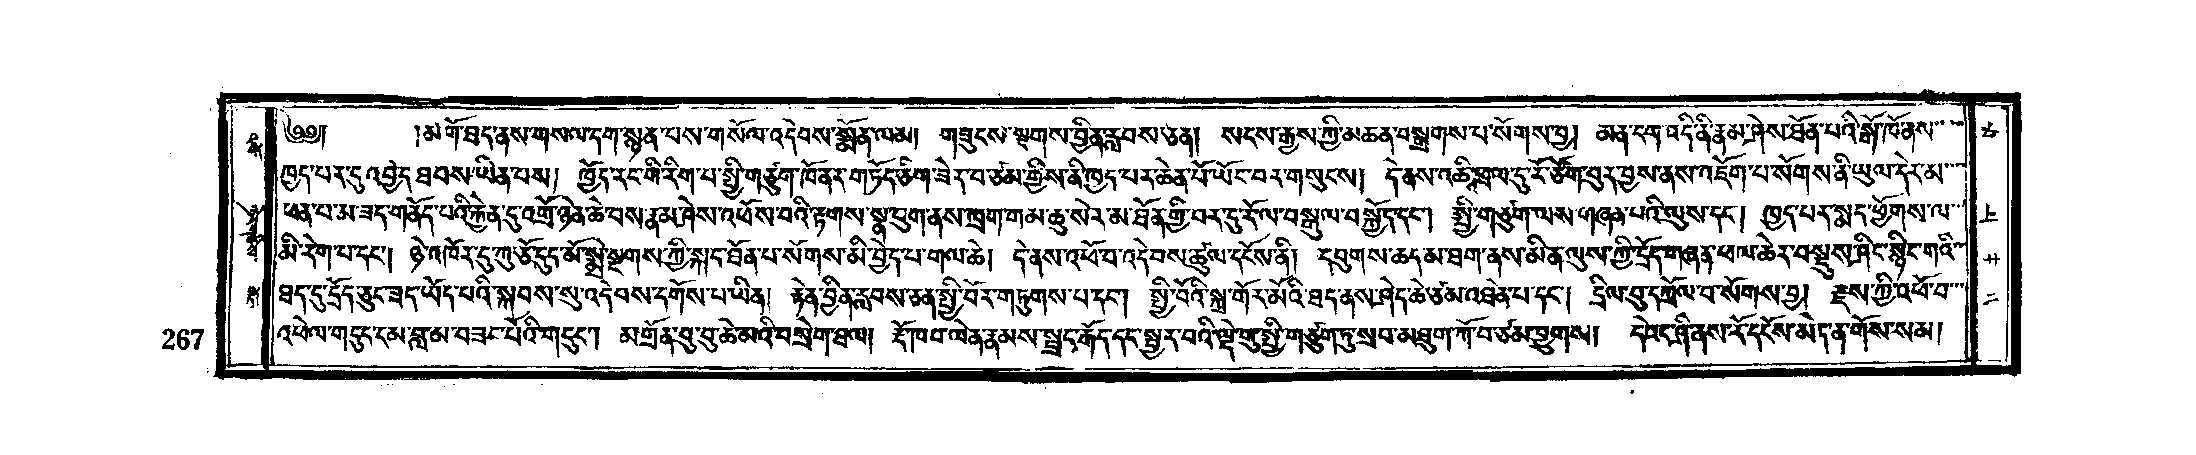༄༅། །མགོ་ཐད་ནས་གསལ་དག་སྙན་པས་གསོལ་འདེབས་སྨོན་ལམ། གཟུངས་སྔགས་བྱིན་རླབས་ཅན། སངས་རྒྱས་ཀྱི་མཆན་བསྒྲགས་པ་སོགས་བྱ། མན་ངག་འདི་ནི་རྣམ་ཤེས་ཐོན་པའི་སྒོ་ཁོ་ནས་
ཁྱད་པར་དུ་འབྱེད་ཐབས་ཡིན་པས། ཁྱོད་རང་གི་རིག་པ་སྤྱི་གཙུག་ཁོ་ནར་གཏོད་ཅིག་ཟེར་བ་ཙམ་གྱིས་ནི་ཁྱད་པར་ཆེན་པོ་ཡོང་བར་གསུངས། དེ་ནས་འཆི་འཕྲལ་དུ་རོ་ཙོག་བུར་བྱས་ནས་འཇོག་པ་སོགས་ནི་ཡུལ་དེར་མ་
ཕན་པ་མ་ཟད་གནོད་པའི་རྐྱེན་དུ་འགྲོ་ཉེན་ཆེ་བས་རྣམ་ཤེས་འཕོས་པའི་རྟགས་སྣ་བུག་ནས་ཁྲག་གམ་ཆུ་སེར་མ་ཐོན་གྱི་བར་དུ་རོ་ལ་བསྒུལ་བསྐྱོད་དང་། སྤྱི་གཙུག་ལས་གཞན་པའི་ལུས་དང་། ཁྱད་པར་སྨད་ཕྱོགས་ལ་
མི་རེག་པ་དང་། ཉེ་འཁོར་དུ་ཀུ་ཅོ་དུད་མོ་སྨྲེ་སྔགས་ཀྱི་སྐད་ཐོན་པ་སོགས་མི་བྱེད་པ་གལ་ཆེ། དེ་ནས་འཕོ་བ་འདེབས་ཚུལ་དངོས་ནི། དབུགས་ཆད་མ་ཐག་ནས་མིན་ལུས་ཀྱི་དྲོད་གཞན་ཕལ་ཆེར་བསྡུས་ཤིང་སྙིང་གའི་
ཐད་དུ་དྲོད་ཅུང་ཟད་ཡོད་པའི་སྐབས་སུ་འདེབས་དགོས་པ་ཡིན། རྟེན་བྱིན་རླབས་ཅན་སྤྱི་བོར་གཏུགས་པ་དང་། སྤྱི་བོའི་སྐྲ་གོར་མོའི་ཐད་ནས་ཤེད་ཆེ་ཙམ་འཐེན་པ་དང་། དྲིལ་བུ་དཀྲོལ་བ་སོགས་བྱ། རྫས་ཀྱི་འཕོ་བ་
འཕེལ་གདུང་ངམ་བླ་མ་བཟང་པོའི་གདུང་། མགྲོན་བུ་བུ་ཆེ་མའི་བསྲེག་ཐལ། རྡོ་ཁབ་ལེན་རྣམས་སྦྲང་རྒོད་དང་སྦྱར་བའི་ལྡེ་གུ་སྤྱི་གཙུག་ཏུ་སྲབ་མཐུག་ཀོ་བ་ཙམ་བྱུགས། དེའང་ཤི་ནས་རོ་དངོས་མེད་ན་གོས་སམ།